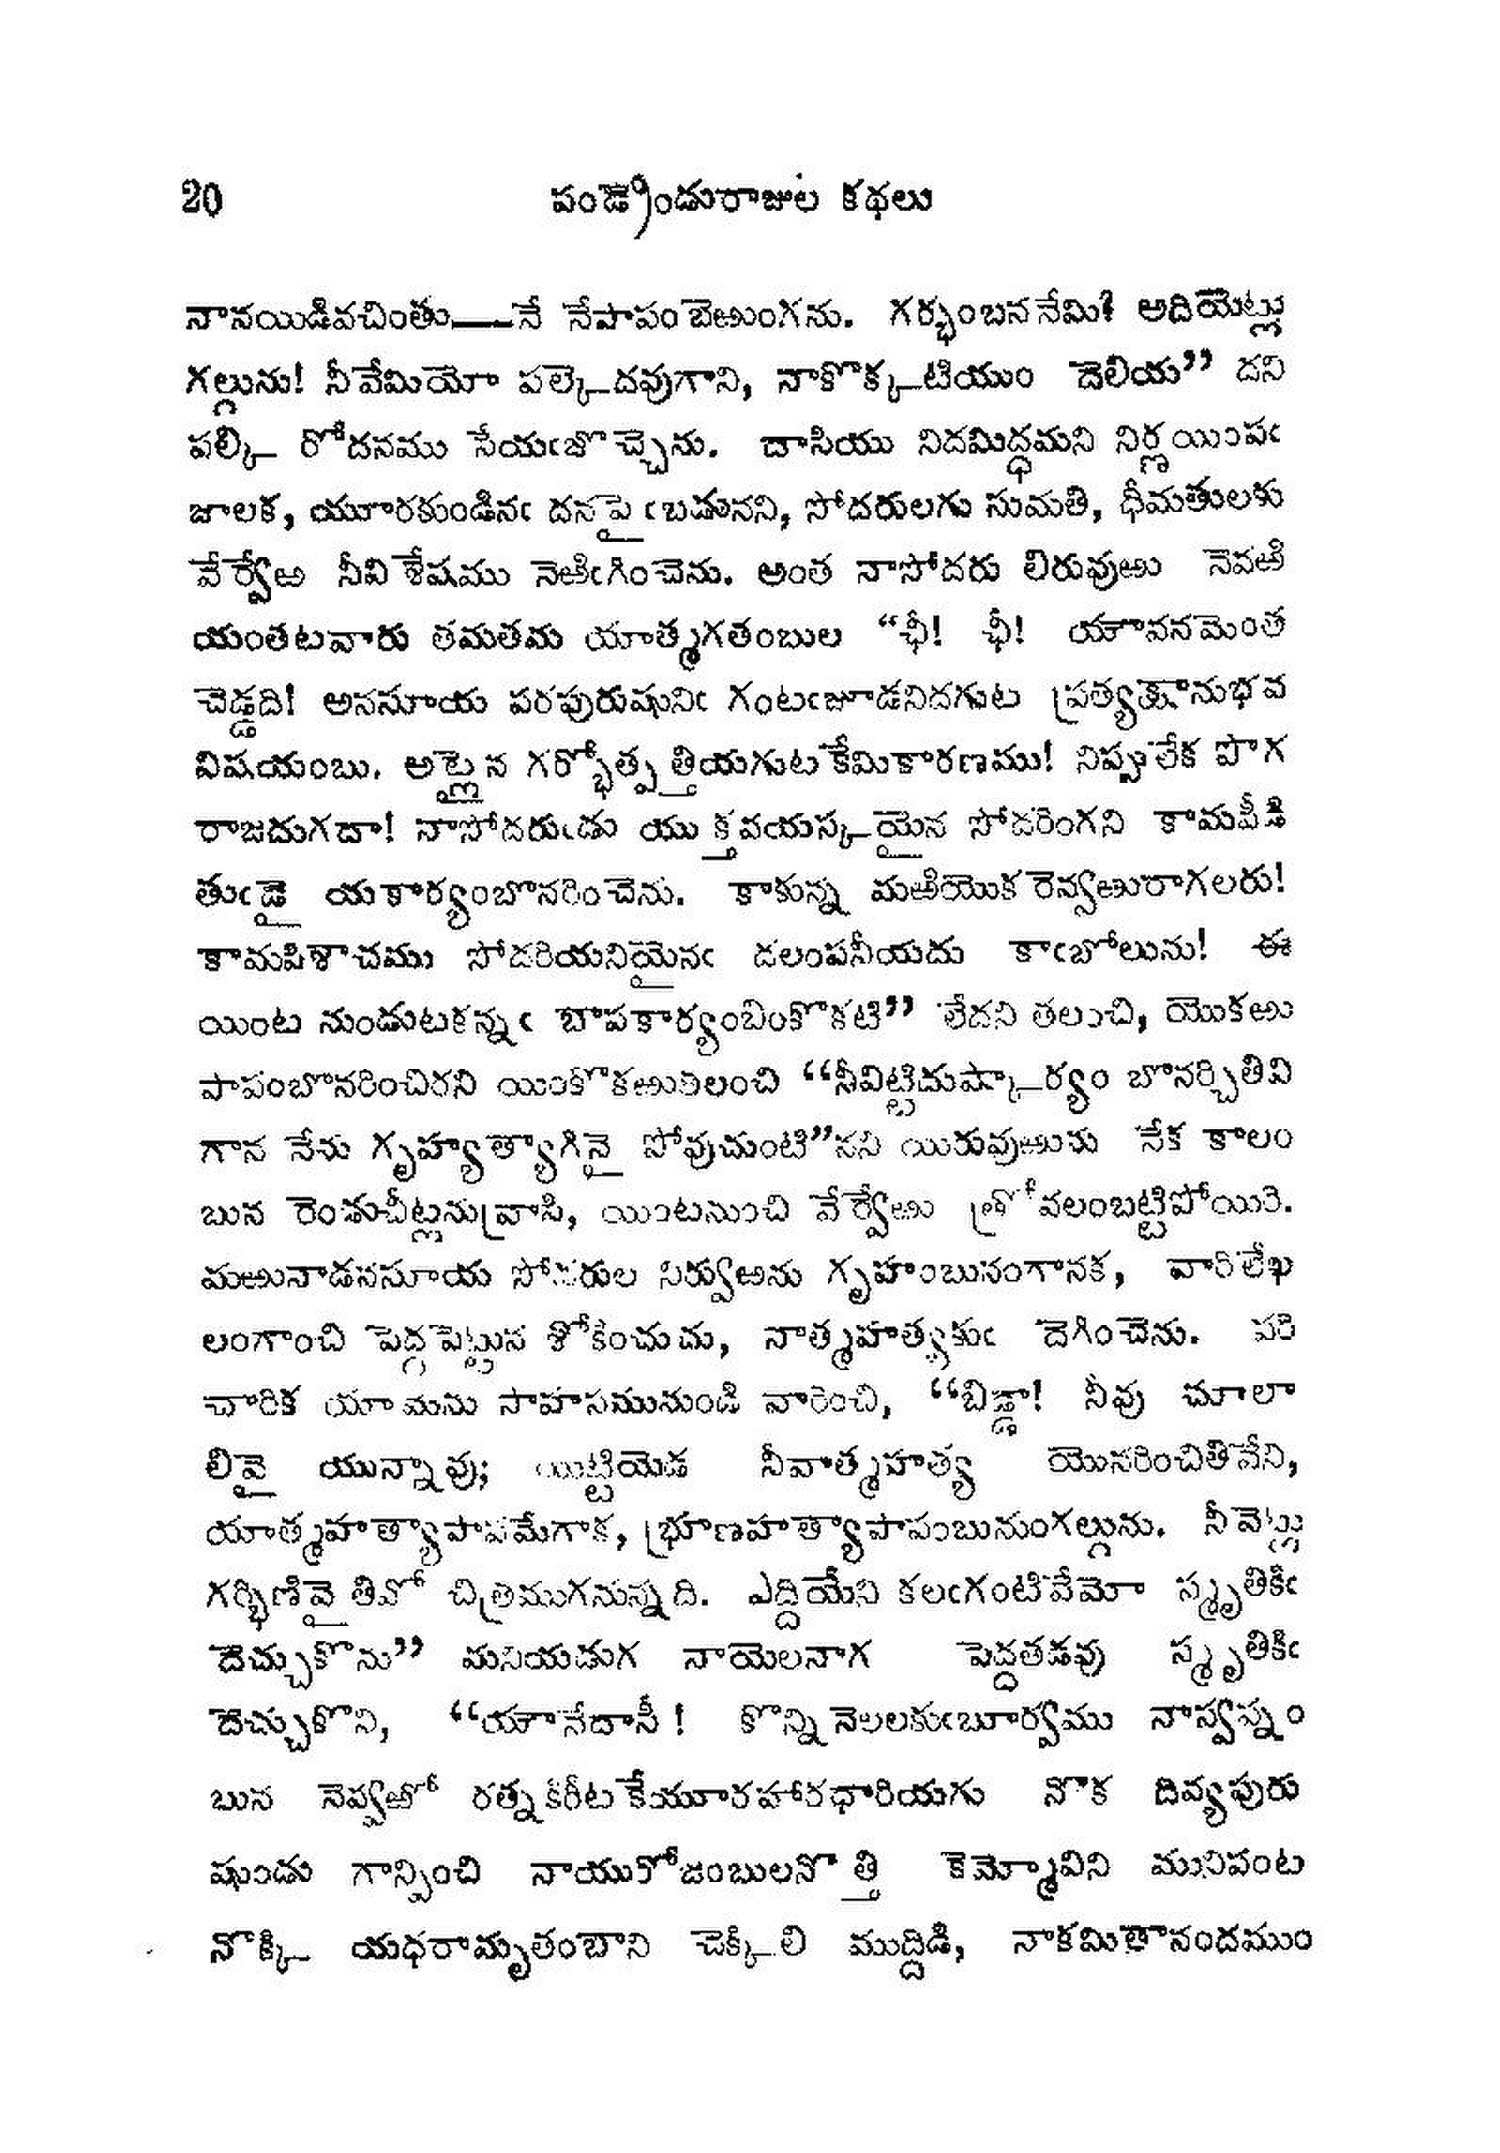నానయిడివచింతు—— నే నేపాపం బెఱుంగను. గర్భంబన నేమి? అదియెట్లు గల్గును! నీవేమియో పల్కెదవుగాని, నాకొక్కటియుం దెలియ” దని పల్కి రోదనము సేయఁజొచ్చెను. దాసియు నిదమిద్ధమని నిర్ణయింపఁ జాలక, యూరకుండినఁ దనపైఁబడునని, సోదరులగు సుమతి, ధీమతులకు వేర్వేఱ నీవిశేషము నెఱిఁగించెను. అంత నాసోదరు లిరువుఱు నెవఱి
యంతటవారు తమతమ యాత్మగతంబుల “ఛీ! ఛీ! యౌవనమెంత చెడ్డది! అనసూయ పరపురుషునిఁ గంటఁజూడనిదగుట ప్రత్యక్షానుభవ విషయంబు, అట్లైన గర్భోత్పత్తియగుట కేమి కారణము! నిప్పు లేక పొగరాజదుగదా! నాసోదరుఁడు యుక్తవయస్కయైన సోదరింగని కామపీడితుఁడై యకార్యంబొనరించెను. కాకున్న మఱియొక రెవ్వఱురాగలరు! కామపిశాచము సోదరియనియైనఁ దలంపనీయదు కాఁబోలును! ఈ యింట నుండుటకన్నఁ బాపకార్యంబింకొకటి" లేదని తలంచి, యొకఱు
పాపంబొనరించిరని యింకొకఱుతలంచి "నీవిట్టి దుష్కార్యం బొనర్చితివి గాన నేను గృహ్య త్యాగినై పోవుచుంటి”నని యిరువుఱును నేక కాలంబున రెండుచీట్లను వ్రాసి, యింటనుంచి వేర్వేఱు త్రోవలంబట్టిపోయిరి. మఱునాడనసూయ సోదరుల నిర్వుఱను గృహంబునంగానక, వారి లేఖలంగాంచి పెద్దపెట్టున శోకించుచు, నాత్మహత్యకుఁ దెగించెను. పరిచారిక యామెను సాహసమునుండి వారించి, “బిడ్డా! నీవు చూలాలివై యున్నావు; యిట్టియెడ నీవాత్మహత్య యొనరించితివేని,
యాత్మహత్యాపాపమేగాక, భ్రూణహత్యాపాపంబునుంగల్గును. నీవెట్లు గర్భిణి వైతివో చిత్రముగనున్నది. ఎద్దియేసి కలఁగంటి వేమో స్మృతికిఁ దెచ్చుకొను” మనియడుగ నాయెలనాగ పెద్దతడవు స్మృతికిఁ దెచ్చుకొని, "యౌనేదాసీ ! కొన్ని నెలలకుఁ బూర్వము నాస్వప్నంబున సెవ్వఱో రత్నకిరీట కేయూరహారధారియగు నొక దివ్యపురుషుండు గాన్పించి నాయురోజంబులనొత్తి
కెమ్మోవిని మునిపంట నొక్కి, యధరామృతంబాని చెక్కిలి ముద్దిడి, నాకమితానందముం